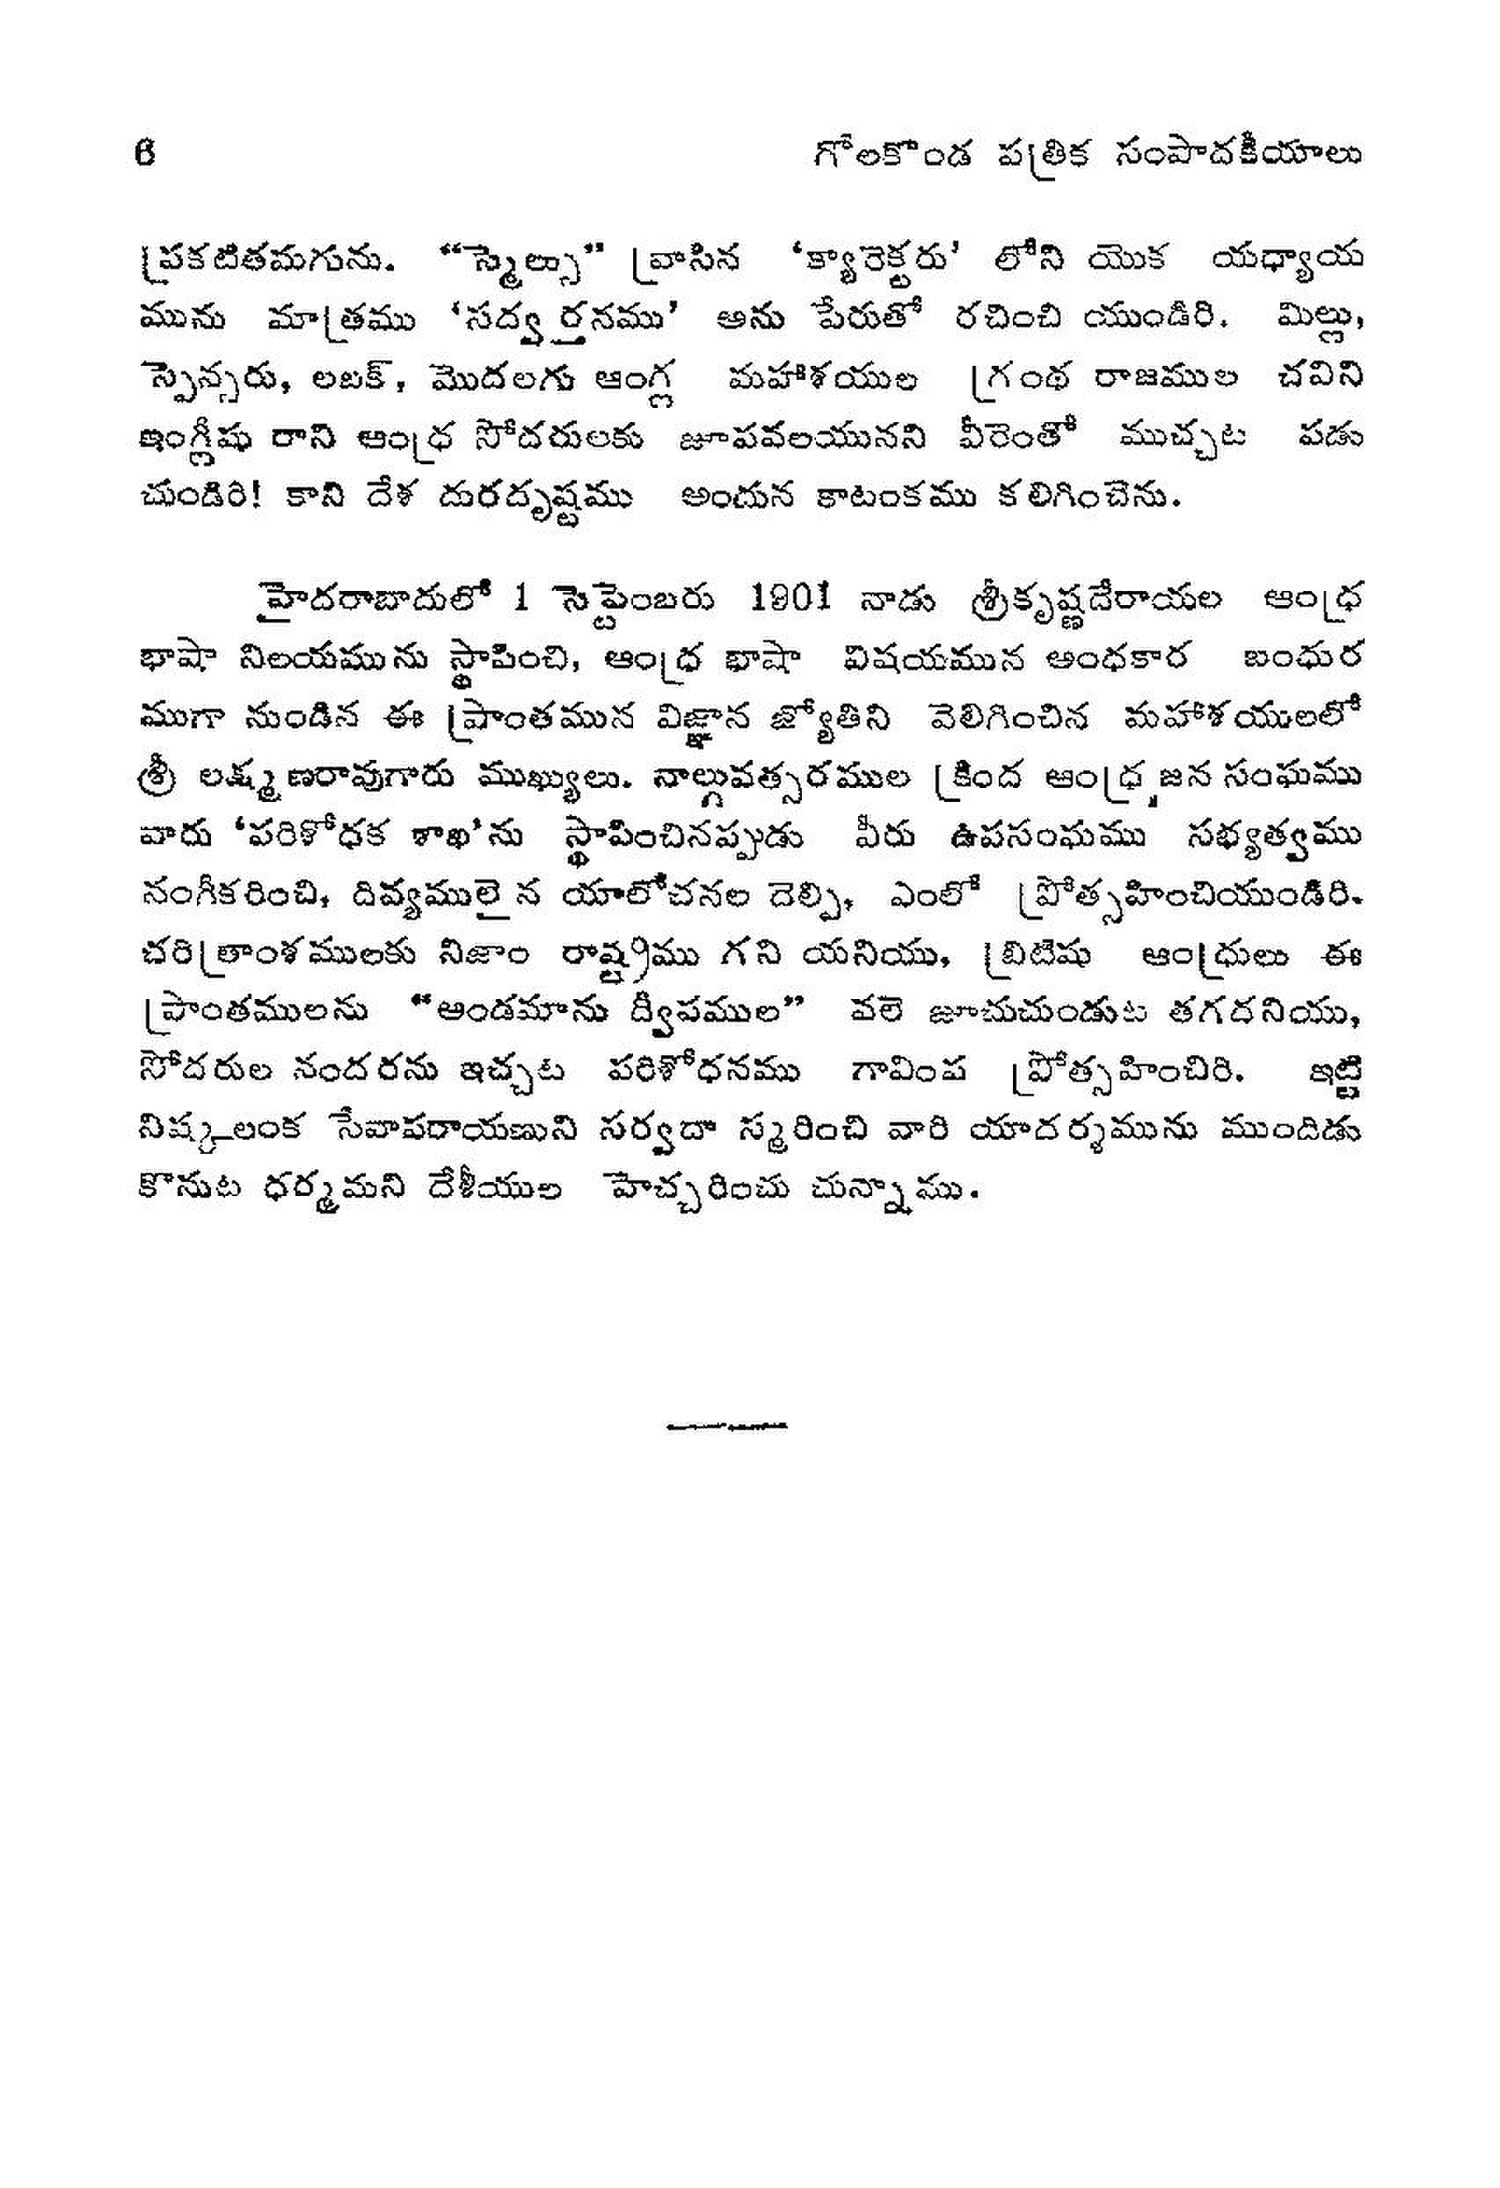ప్రకటితమగును. “స్మెల్సు" వ్రాసిన 'క్యారెక్టరు' లోని యొక యధ్యాయమును మాత్రము 'సద్వర్తనము' అను పేరుతో రచించి యుండిరి. మిల్లు, స్పెన్సరు, లబక్, మొదలగు ఆంగ్ల మహాశయుల గ్రంథ రాజముల చదివి ఇంగ్లీషు రాని ఆంధ్ర సోదరులకు జూపవలయునని వీరెంతో ముచ్చట పడుచుండిరి! కాని దేశ దురదృష్టము అందున కాటంకము కలిగించెను.

హైదరాబాదులో 1 సెప్టెంబరు 1901 నాడు శ్రీకృష్ణదేరాయల ఆంధ్రభాషా నిలయమును స్థాపించి, ఆంధ్ర భాషా విషయమున అంధకార బంధురముగా నుండిన ఈ ప్రాంతమున విజ్ఞాన జ్యోతిని వెలిగించిన మహాశయులలో
శ్రీ లక్ష్మణరావుగారు ముఖ్యులు. నాల్గువత్సరముల క్రింద ఆంధ్ర జన సంఘమువారు 'పరిశోధక శాఖ'ను స్థాపించినప్పుడు వీరు ఉపసంఘము సభ్యత్వము నంగీకరించి, దివ్యములైన యాలోచనల దెల్పి, ఎంతో ప్రోత్సహించియుండిరి. చరిత్రాంశములకు నిజాం రాష్ట్రము గని యనియు, బ్రిటీషు ఆంధ్రులు ఈ ప్రాంతములను "అండమాను ద్వీపముల" వలె జూచుచుండుట తగదనియు, సోదరుల నందరను ఇచ్చట పరిశోధనము గావింప ప్రోత్సహించిరి. ఇట్టి నిష్కలంక సేవాపరాయణుని సర్వదా స్మరించి వారి యాదర్శమును ముందిడుకొనుట ధర్మమని దేశీయుల హెచ్చరించు చున్నాము.